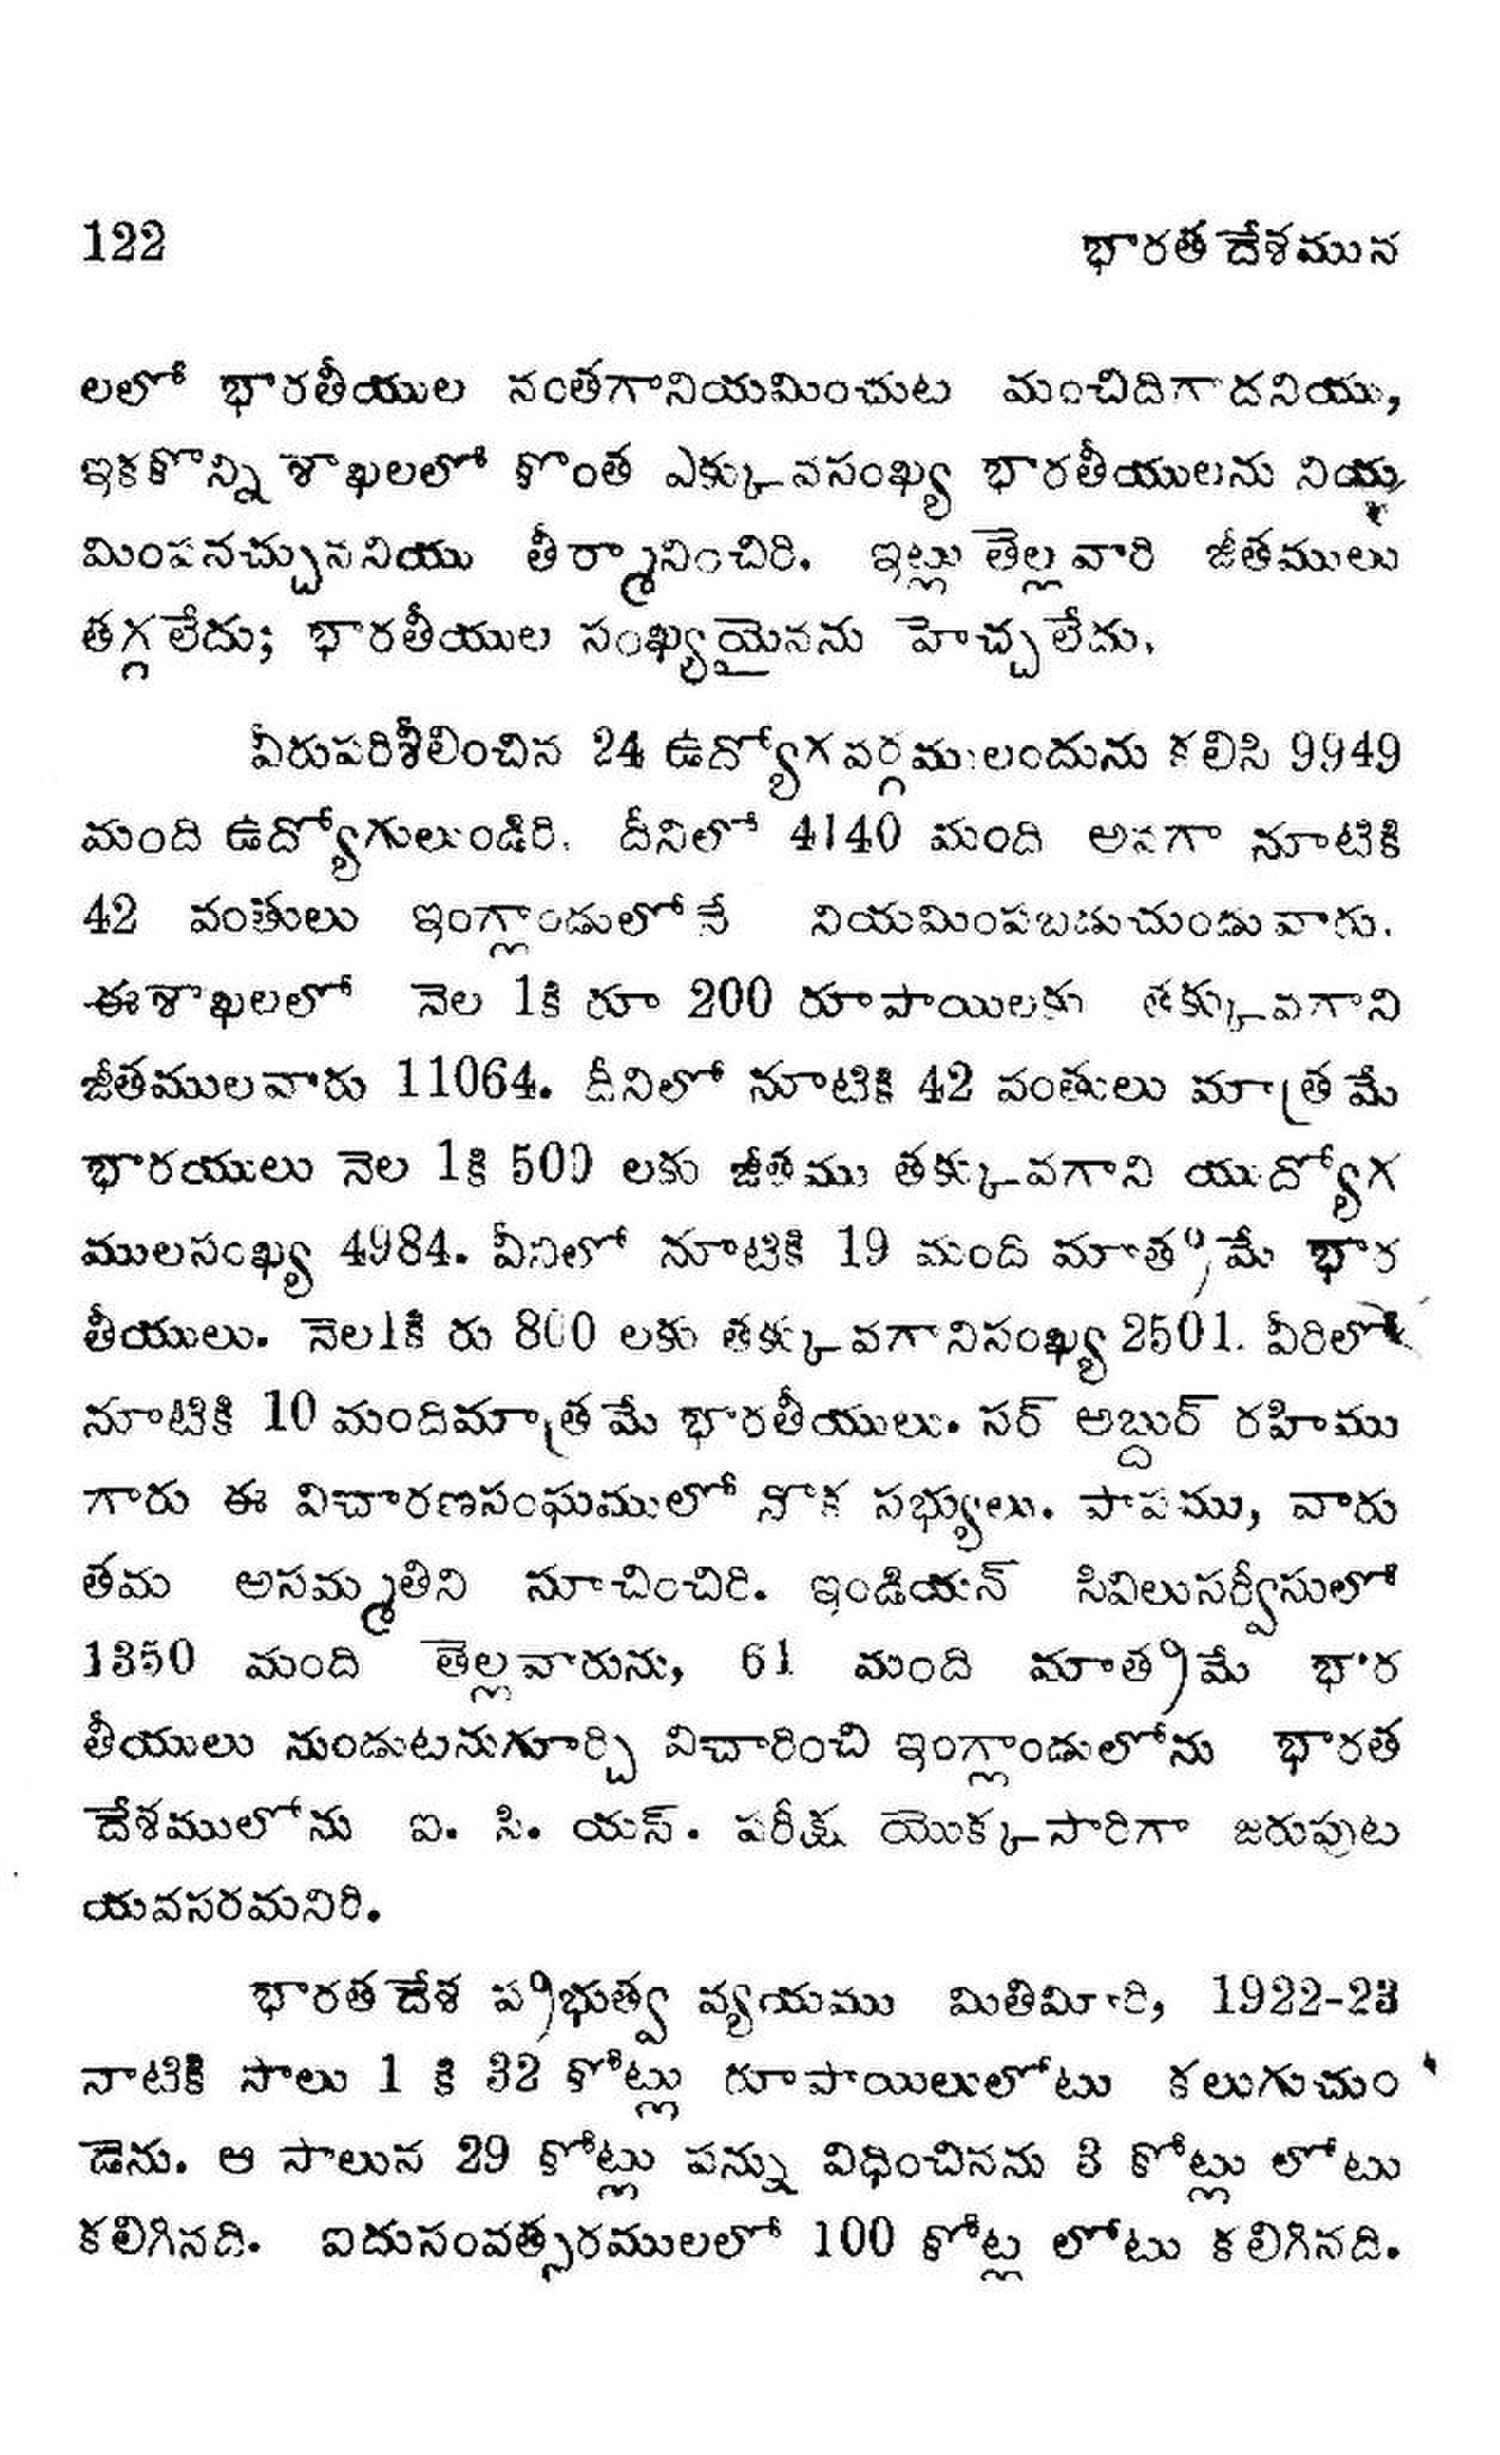లలో భారతీయుల నంతగానియమించుట మంచిదిగాదనియు, ఇకకొన్ని శాఖలలో కొంత ఎక్కువసంఖ్య భారతీయులను నియమింపవచ్చుననియు తీర్మానించిరి. ఇల్లు తెల్ల వారి జీతములు తగ్గలేదు; భారతీయుల సంఖ్యయైనను హెచ్చలేదు.

వీరుపరిశీలించిన 24 ఉద్యోగవర్గములందును కలిసి 9949 మంది ఉద్యోగులుండిరి. దీనిలో 4140 మంది. అనగా నూటికి 42 వంతులు ఇంగ్లాండులోనే నియమింపబడుచుండువారు. ఈశాఖలలో నెల 1కి రూ 200 రూపాయిలు తక్కువగాని జీతములవారు 11064. దీనిలో నూటికి 42 వంతులు మాత్రమే భారతీయులు నెల 1కి 500 లకు జీతము తక్కువగాని యుద్యోగములసంఖ్య 4984. వీనిలో నూటికి 19 మంది మాత్రమే భారతీయులు. నెల 1కి రు 800 లకు తక్కువగానిసంఖ్య 2501. వీరిలో నూటికి 10 మంది మాత్రమే భారతీయులు. సర్ అబ్దుర్ రహముగారు ఈ విచారణసంఘములో నొక సభ్యులు, పాపము, వారు తమ అసమ్మతిని సూచించిరి. ఇండియన్ సివిలుసర్వీసులో 1350 మంది తెల్లవారును, 61 మంది మాత్రమే భారతీయులు నుండుటనుగూర్చి విచారించి ఇంగ్లాండులోను భారత దేశములోను ఐ. సి. యస్. పరీక్ష యొక్కసారిగా జరుపుట యవసరమనిరి.

భారతదేశ ప్రభుత్వ వ్యయము మితిమీరి, 1922-23 నాటికి సాలు 1 కి 32 కోట్లు రూపాయిలులోటు కలుగుచుండెను. ఆ సాలున 29 కోట్లు పన్ను విధించినను 3 కోట్లు లోటు కలిగినది. ఐదుసంవత్సరములలో 100 కోట్ల లోటు కలిగినది.